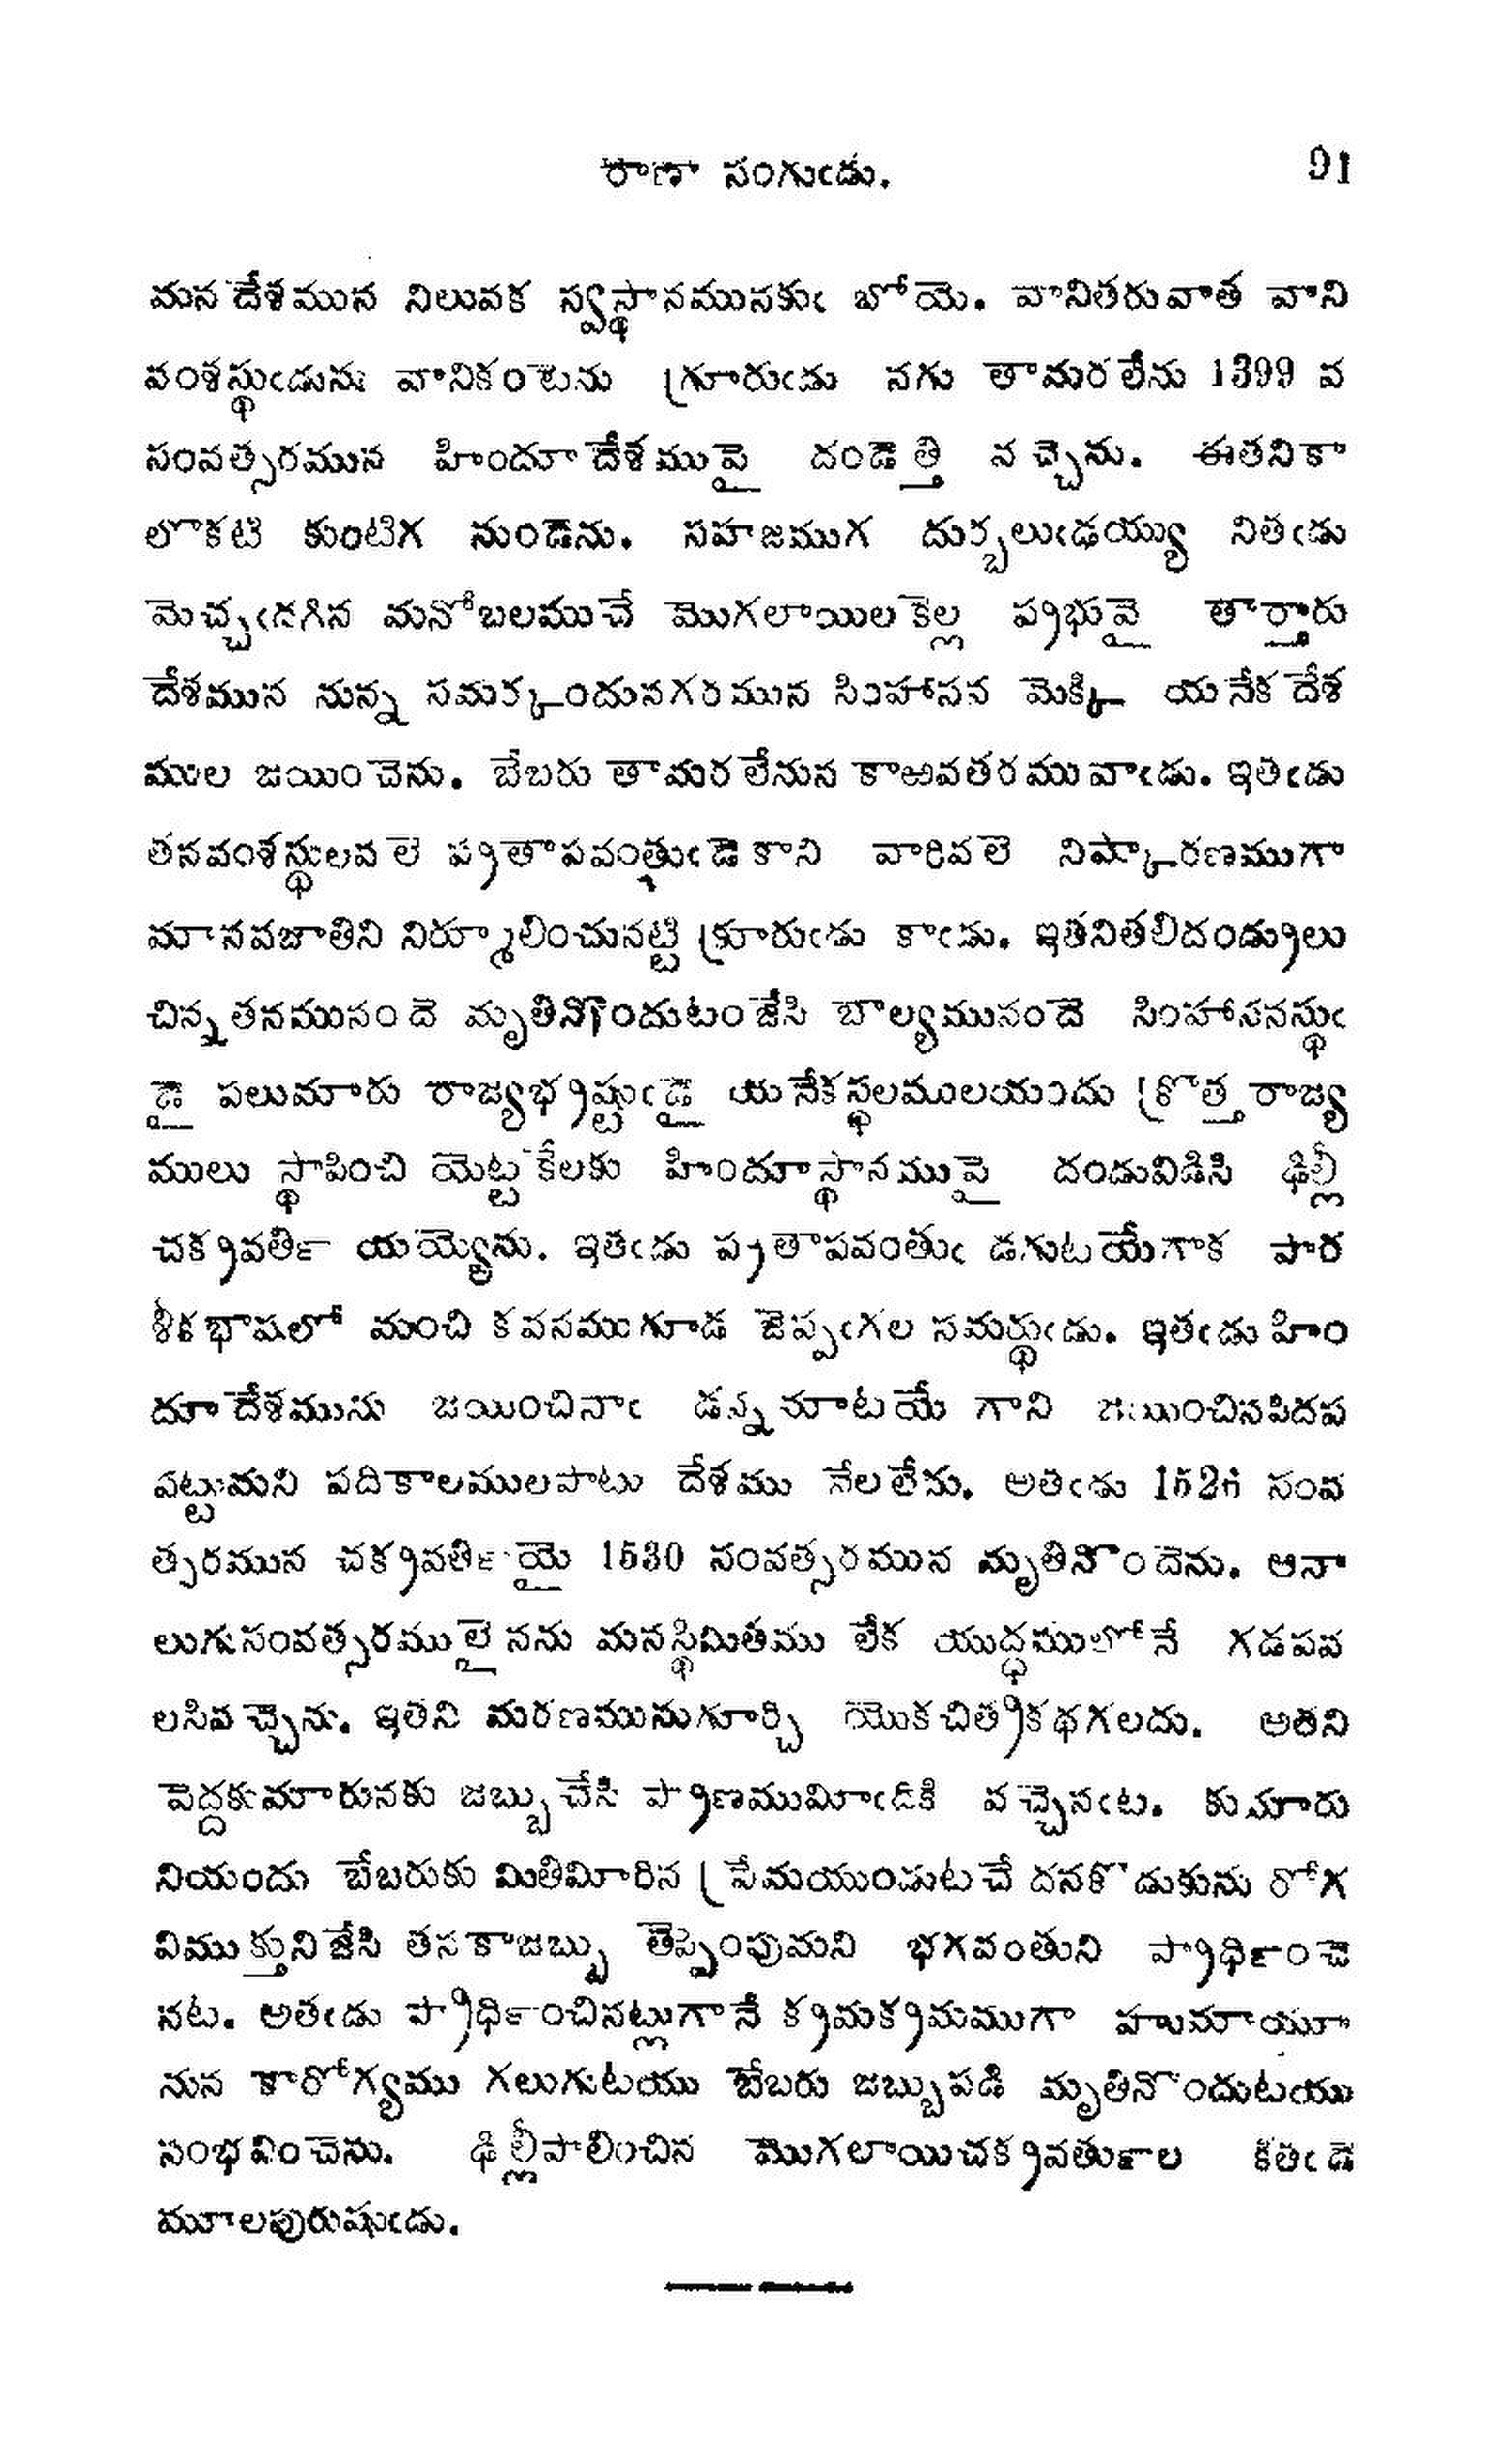మన దేశమున నిలువక స్వస్థానమునకుఁ బోయె. వానితరువాత వాని వంశస్థుఁడును వానికంటెను గ్రూరుఁడు నగు తామరలేను 1399 వ
సంవత్సరమున హిందూ దేశముపై దండెత్తి వచ్చెను. ఈతనికాలొకటి కుంటిగ నుండెను. సహజముగ దుర్బలుఁడయ్యు నితఁడు
మెచ్చఁదగిన మనోబలముచే మొగలాయిల కెల్ల ప్రభువై తార్తారు దేశమున నున్న సమర్కందునగరమున సింహాసన మెక్కి యనేక దేశ
ముల జయించెను. బేబరు తామరలేనున కాఱవతరము వాడు. ఇతఁడు తనవంశస్థులవలె ప్రతాపవంతుఁడె కాని వారివలె నిష్కారణముగా
మానవజాతిని నిర్మూలించునట్టి క్రూరుఁడు కాఁడు. ఇతని తలిదండ్రులు చిన్న తనమునందె మృతినొందుటం జేసి బాల్యమునందే సింహాసనస్థుఁడై పలుమారు రాజ్యభ్రష్టుఁడై యనేక స్థలములయందు క్రొత్త రాజ్యములు స్థాపించి యెట్టకేలకు హిందూస్థానముపై దండువిడిసి ఢిల్లీ చక్రవతి౯ యయ్యెను. ఇతఁడు ప్రతాపవంతుఁ డగుటయేగాక పారశీక భాషలో మంచి కవనము గూడ జెప్పఁగల సమర్థుఁడు. ఇతఁడు హిందూదేశమును జయించినాఁ డన్న మాటయే గాని జయించిన పిదప పట్టుమని పదికాలముల పాటు దేశము నేల లేదు. అతఁడు 1526 సంవత్సరమున చక్రవతి౯ యై 1530 సంవత్సరమున మృతినొందెను. ఆనాలుగు సంవత్సరము లైనను మన స్థిమితము లేక యుద్ధములోనే గడపవలసివచ్చెను. ఇతని మరణమును గూర్చి యొక చిత్రకధగలదు. అతని పెద్దకుమారునకు జబ్బు చేసి ప్రాణముమీఁడికి వచ్చినఁట. కుమారునియందు బేబరుకు మితిమీరిన ప్రేమయుండుటచే దనకొడుకును రోగ విముక్తుని జేసి తన కాజబ్బు తెప్పింపుమని భగవంతుని ప్రాధి౯ంచెనట. అతఁడు ప్రాధి౯చినట్లుగానే శ్రమక్రమముగా హుమాయూ నున కారోగ్యము గలుగుటయు బేబరు జబ్బుపడి మృతినొందుటయు
సంభవించెను. ఢిల్లీ పాలించిన మొగలాయిచక్ర వతు౯ల కతడె మూలపురుషుఁడు